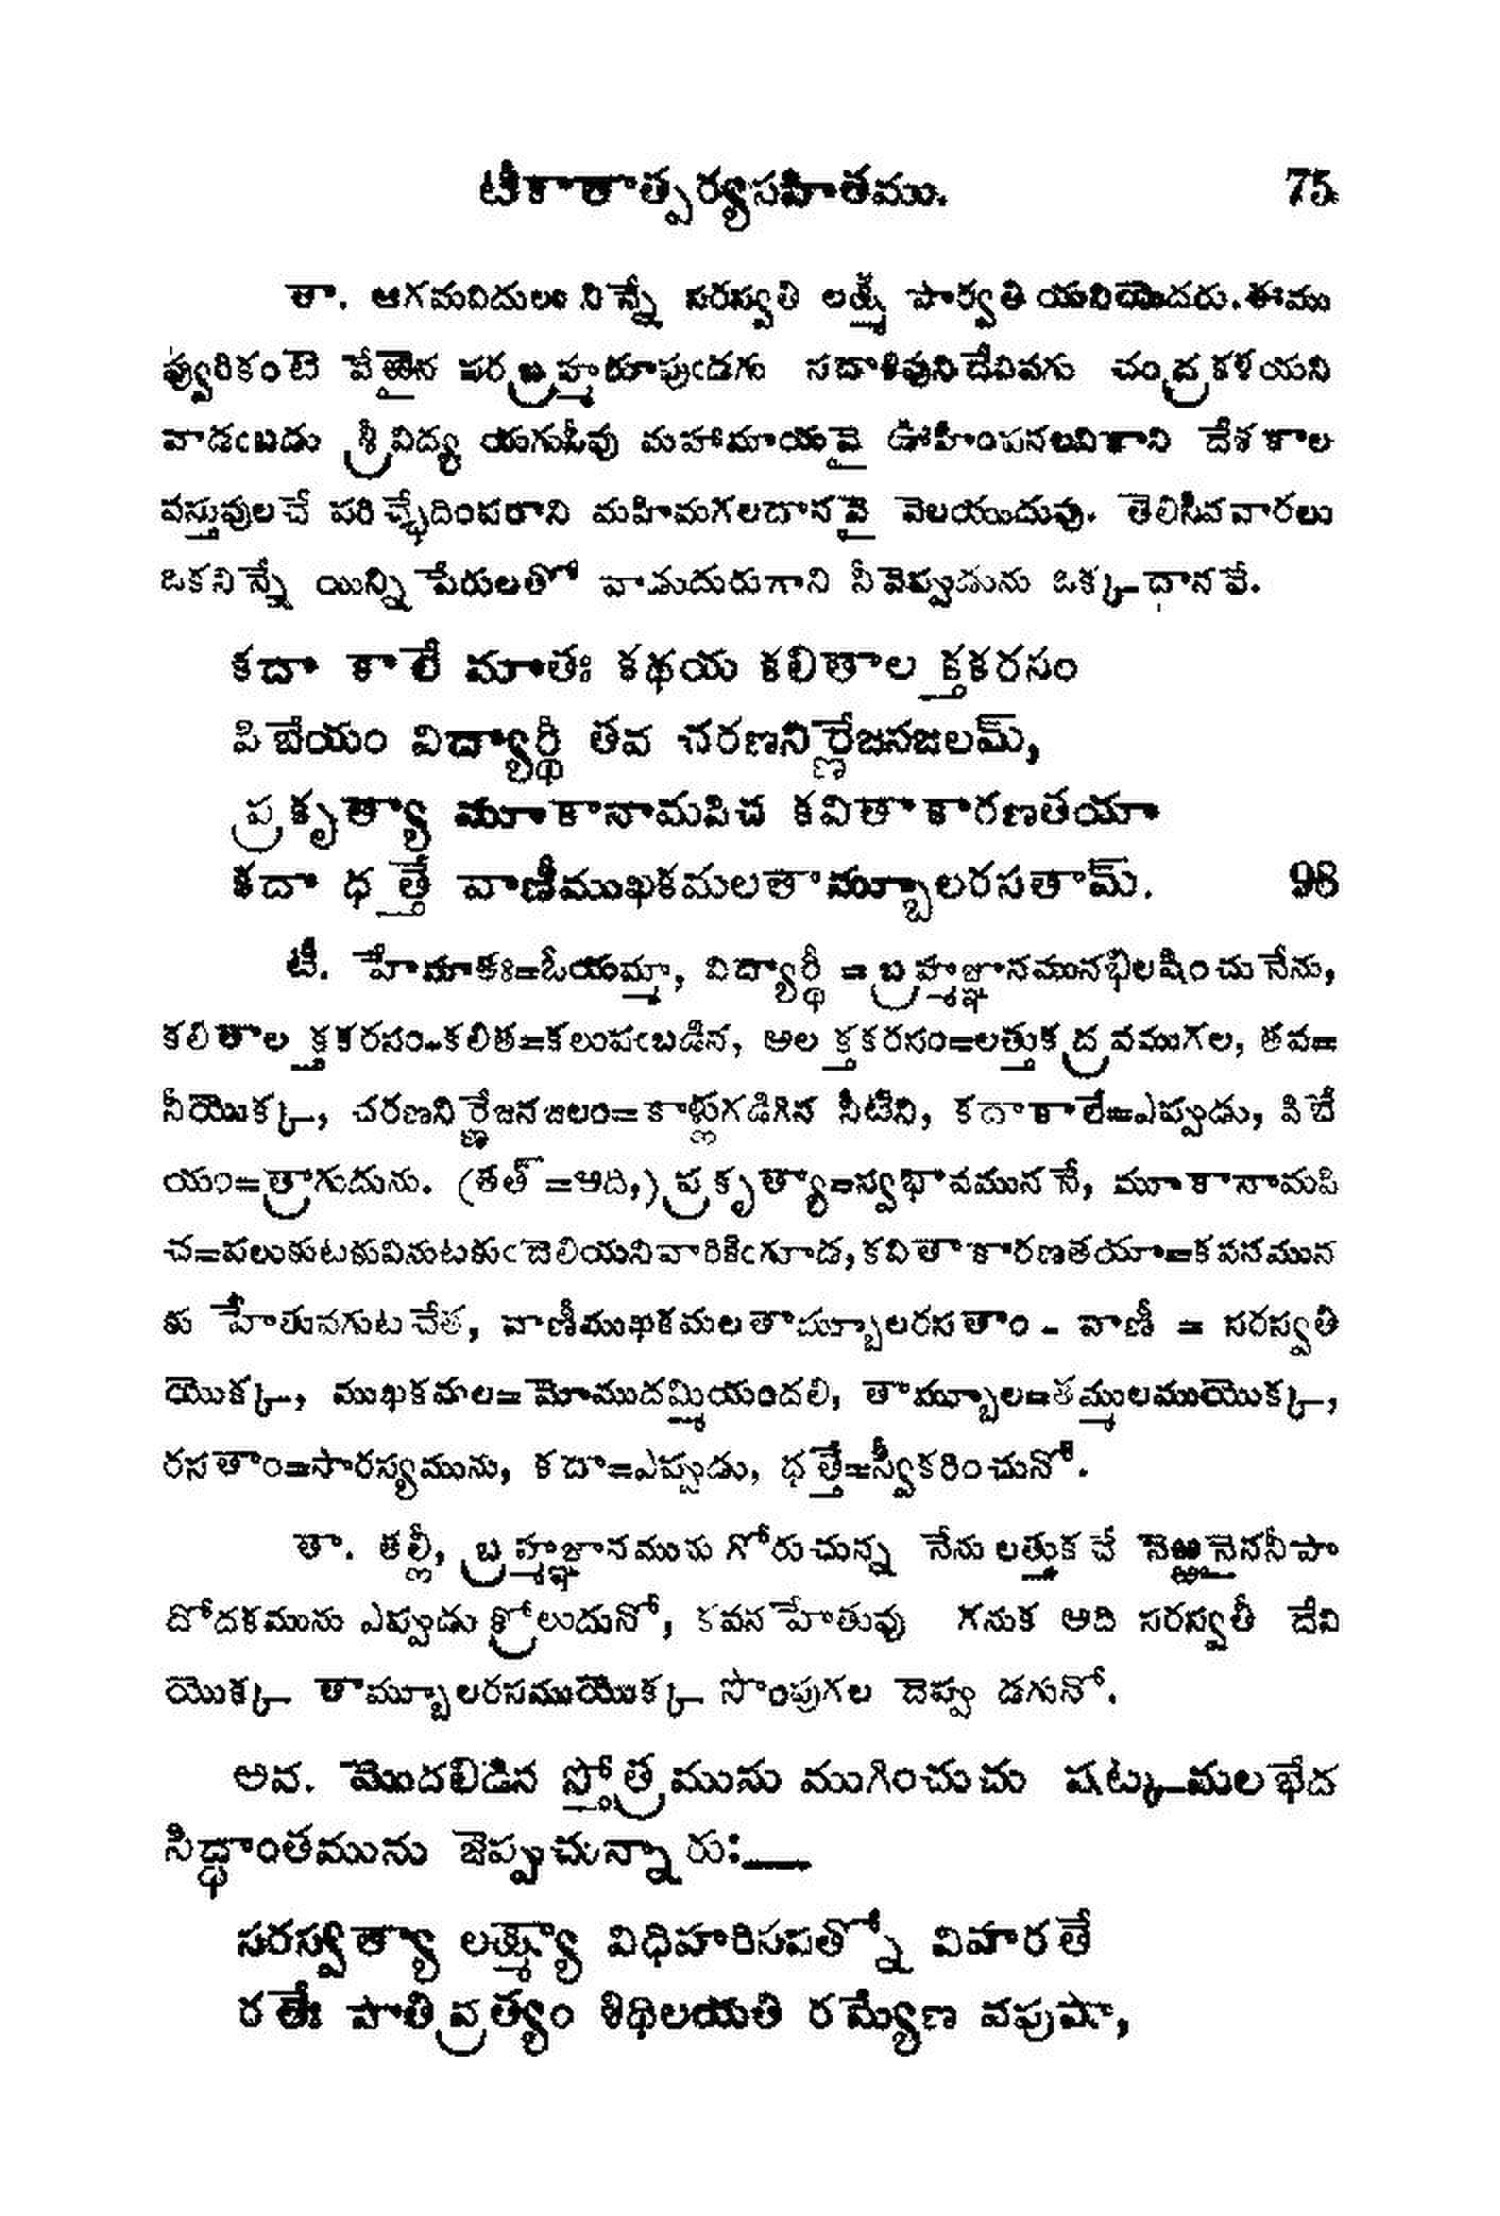తా. ఆగమవిదులు నిన్నే సరస్వతి లక్ష్మి పార్వతి యనియెదరు. ఈమువ్వురికంటె వేఱైన పరబ్రహ్మరూపుఁడగు సదాశివునిదేవివగు చంద్రకళయని వాడఁబడు శ్రీవిద్య యగునీవు మహామాయవై ఊహింపనలవికాని దేశకాల వస్తువులచే పరిచ్ఛేదింపరాని మహిమగలదానవై వెలయుదువు. తెలిసినవారలు ఒకనిన్నే యిన్ని పేరులతో వాడుదురుగాని నీవెప్పుడును ఒక్కదానవే.

కదా కాలే మాతః కథయ కలితాలక్తకరసం 
పిబేయం విద్యార్థీ తవ చరణనిర్ణేజనజలమ్,
ప్రకృత్యా మూకానామపిచ కవితాకారణతయా
కదా ధత్తే వాణీముఖకమలతామ్బూలరసతామ్. 98
టీ. హేమాతః = ఓయమ్మా, విద్యార్థీ = బ్రహ్మజ్ఞానమునభిలషించునేను, కలితాలక్తకరసం-కలిత = కలుపఁబడిన, అలక్తకరసం = లత్తుకద్రవముగల, తవ = నీయొక్క, చరణనిర్ణేజనజలం = కాళ్లుగడిగిన నీటిని, కదాకాలే = ఎప్పుడు, పిబేయం = త్రాగుదును. (తత్ = అది,) ప్రకృత్యా = స్వభావముననే, మూకానామపిచ = పలుకుటకు వినుటకుఁ దెలియనివారికిఁగూడ, కవితాకారణతయా = కవనమునకు హేతువగుటచేత, వాణీముఖకమలతామ్బూలరసతాం-వాణీ = సరస్వతియొక్క, ముఖకమల = మోముదమ్మియందలి, తామ్బూల = తమ్ములముయొక్క, రసతాం = సారస్యమును, కదా = ఎప్పుడు, ధత్తే = స్వీకరించునో.

తా. తల్లీ, బ్రహ్మజ్ఞానమును గోరుచున్న నేను లత్తుకచే నెఱ్ఱనైననీపాదోదకమును ఎప్పుడు క్రోలుదునో, కవనహేతువు గనుక అది సరస్వతీ దేవియొక్క తామ్బూలరసముయొక్క సొంపుగల దెప్పు డగునో.

అవ. మొదలిడిన స్తోత్రమును ముగించుచు షట్కమలభేద సిద్ధాంతమును జెప్పుచున్నారు:-

సరస్వత్యా లక్ష్మ్యా విధిహరిసపత్నో విహరతే
రతేః పాతివ్రత్యం శిథిలయతి రమ్యేణ వపుషా,